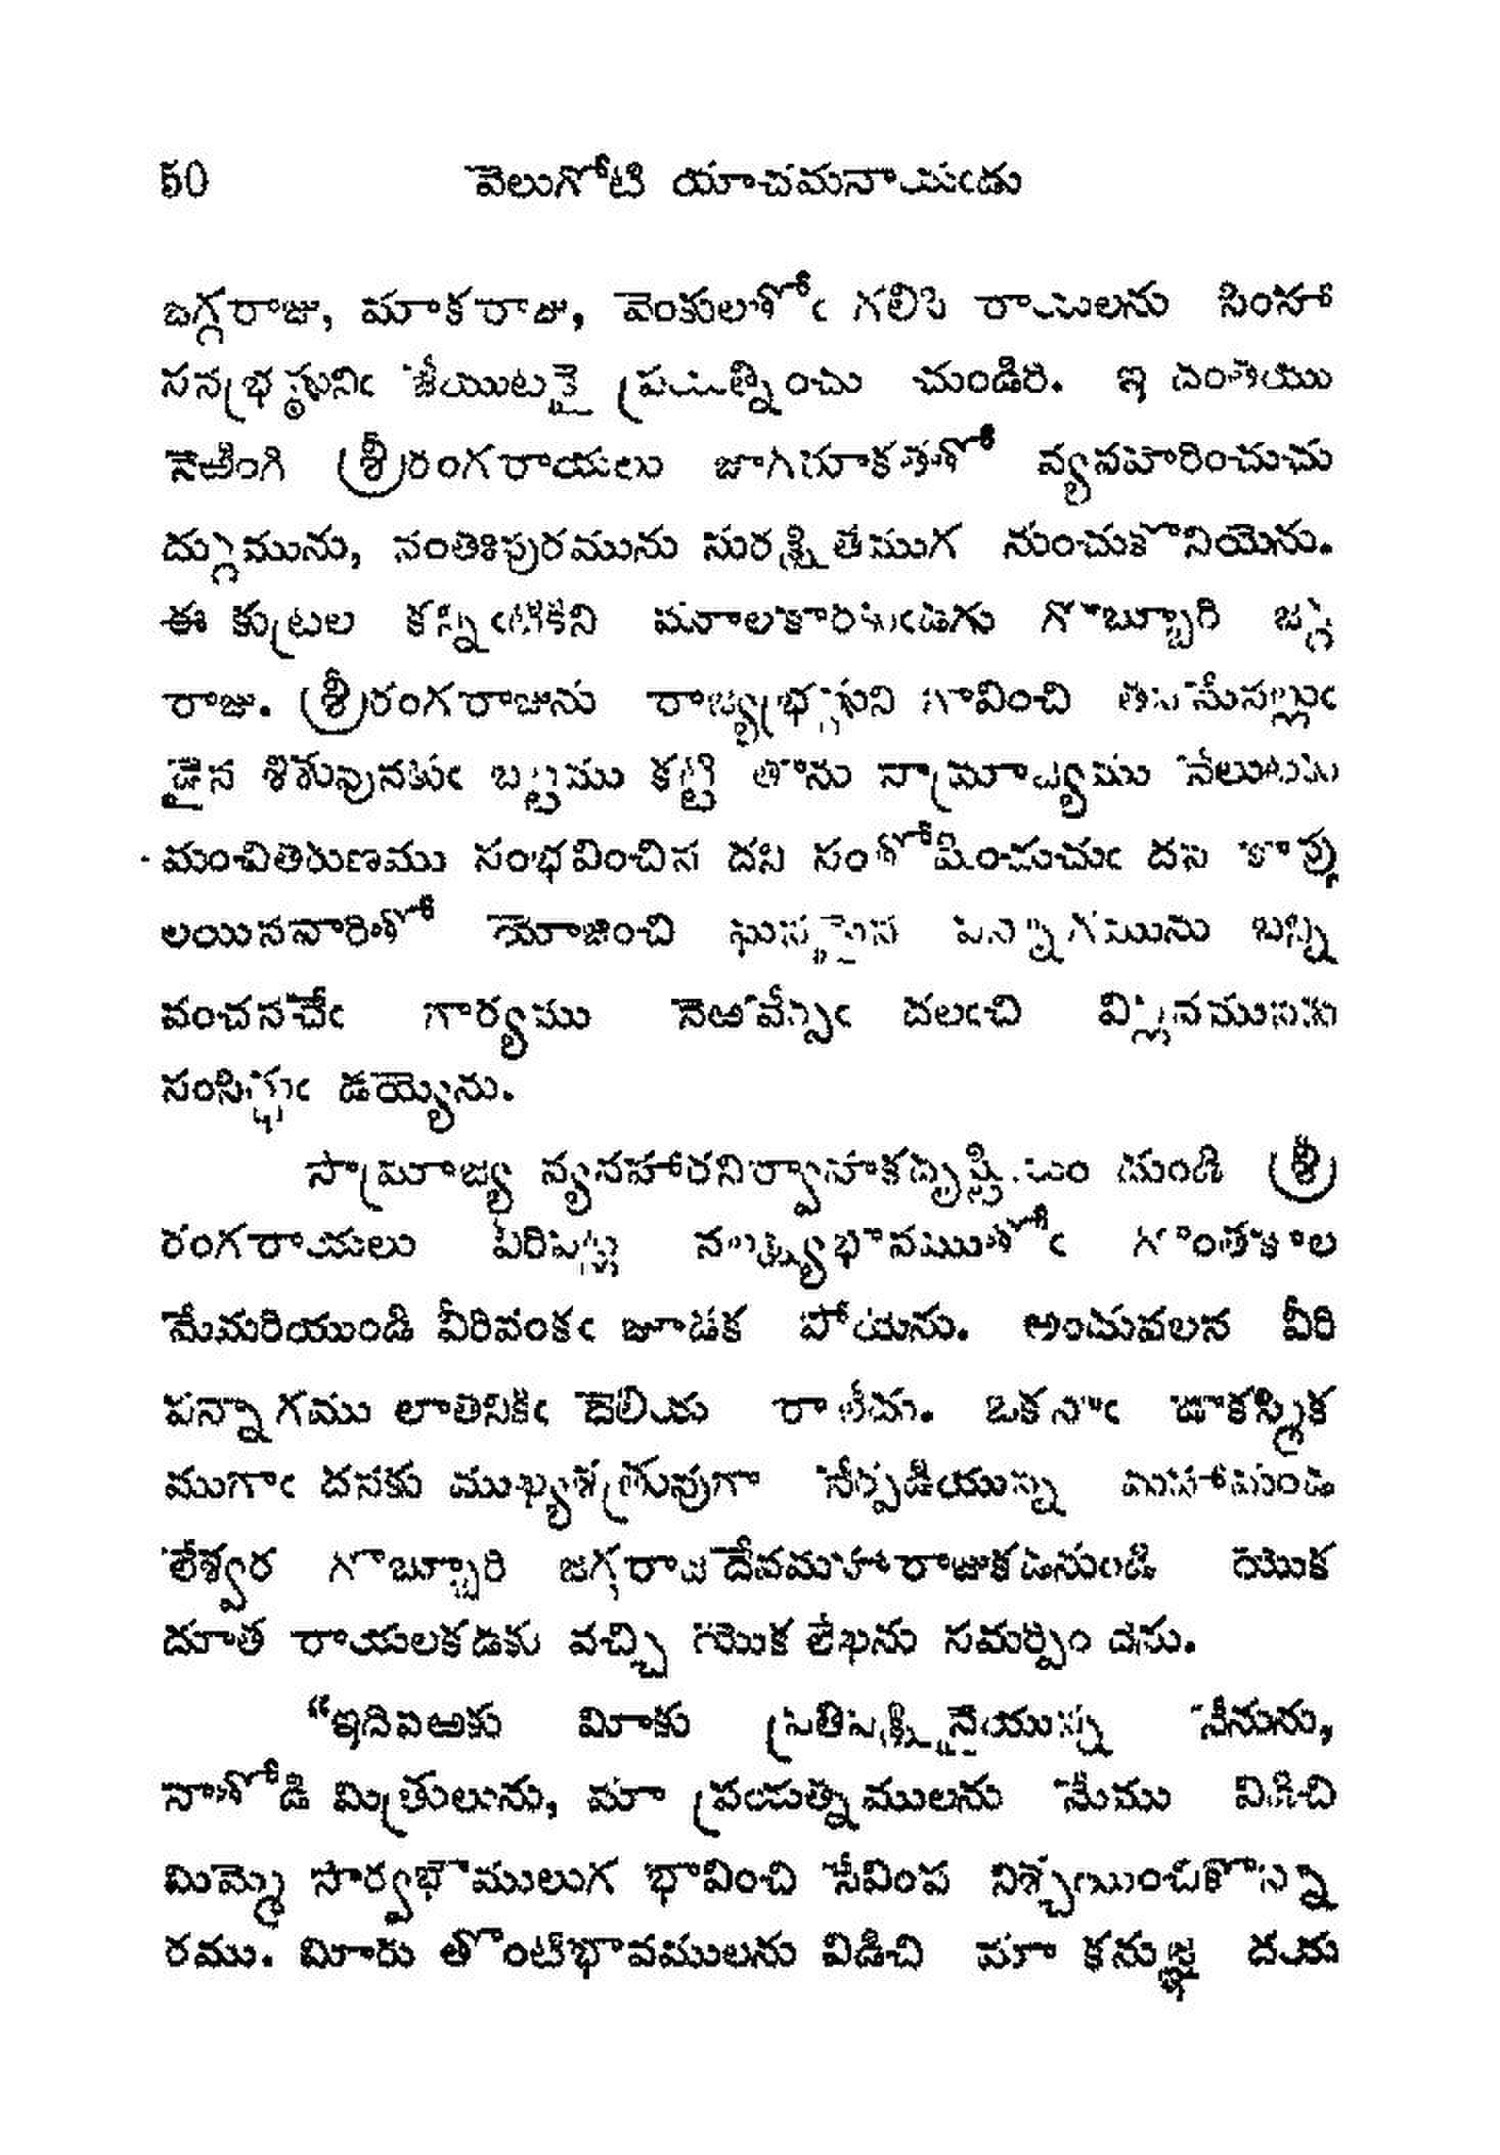జగ్గరాజు, మాకరాజు, వెంకులతోఁ గలిసి రాయలను సింహాసనభ్రష్ఠునిఁ జేయుటకై ప్రయత్నించు చుండిరి. ఇ దంతయు నెఱింగి శ్రీరంగరాయలు జాగరూకతతో వ్యవహరించుచు దుర్గమును, నంతఃపురమును సురక్షితముగ నుంచుకొనియెను. ఈ కుట్రల కన్నిఁటికిని మూలకారకుఁడగు గొబ్బూరి జగ్గరాజు. శ్రీరంగరాజును రాజ్యభ్రష్ఠుని గావించి తనమేనల్లుఁడైన శిశువునకుఁ బట్టము కట్టి తాను సామ్రాజ్యము నేలుటకు మంచితరుణము సంభవింవిన దని సంతోషించుచుఁ దన కాప్తు లయినవారితో యోజించి ఘనమైన పన్నాగమును బన్ని వంచనచేఁ గార్యము నెఱవేర్పఁ దలఁచి విప్లవమునకు సంసిద్ధుఁ డయ్యెను.

సామ్రాజ్య వ్యవహారనిర్వాహకదృష్టియం దుండి శ్రీరంగరాయలు వీరిపట్ల నలక్ష్యభావముతోఁ గొంతకాల మేమరియుండి వీరివంకఁ జూడక పోయెను. అందువలన వీరి పన్నాగము లాతనికిఁ దెలియ రాలేదు. ఒకనాఁ డాకస్మికముగాఁ దనకు ముఖ్యశత్రువుగా నేర్పడియున్న మహామండలేశ్వర గొబ్బూరి జగ్గరాజ దేవమహారాజుకడనుండి యొక దూత రాయలకడకు వచ్చి యొక లేఖను సమర్పించెను.

"ఇదివఱకు మీకు ప్రతిపక్షినైయున్న నేనును, నాతోడి మిత్రులును, మా ప్రయత్నములను మేము విడిచి మిమ్మె సార్వభౌములుగ భావించి సేవింప నిశ్చయించుకొన్నారము.మీరు తొంటిభావములను విడిచి మా కనుజ్ఞ దయ